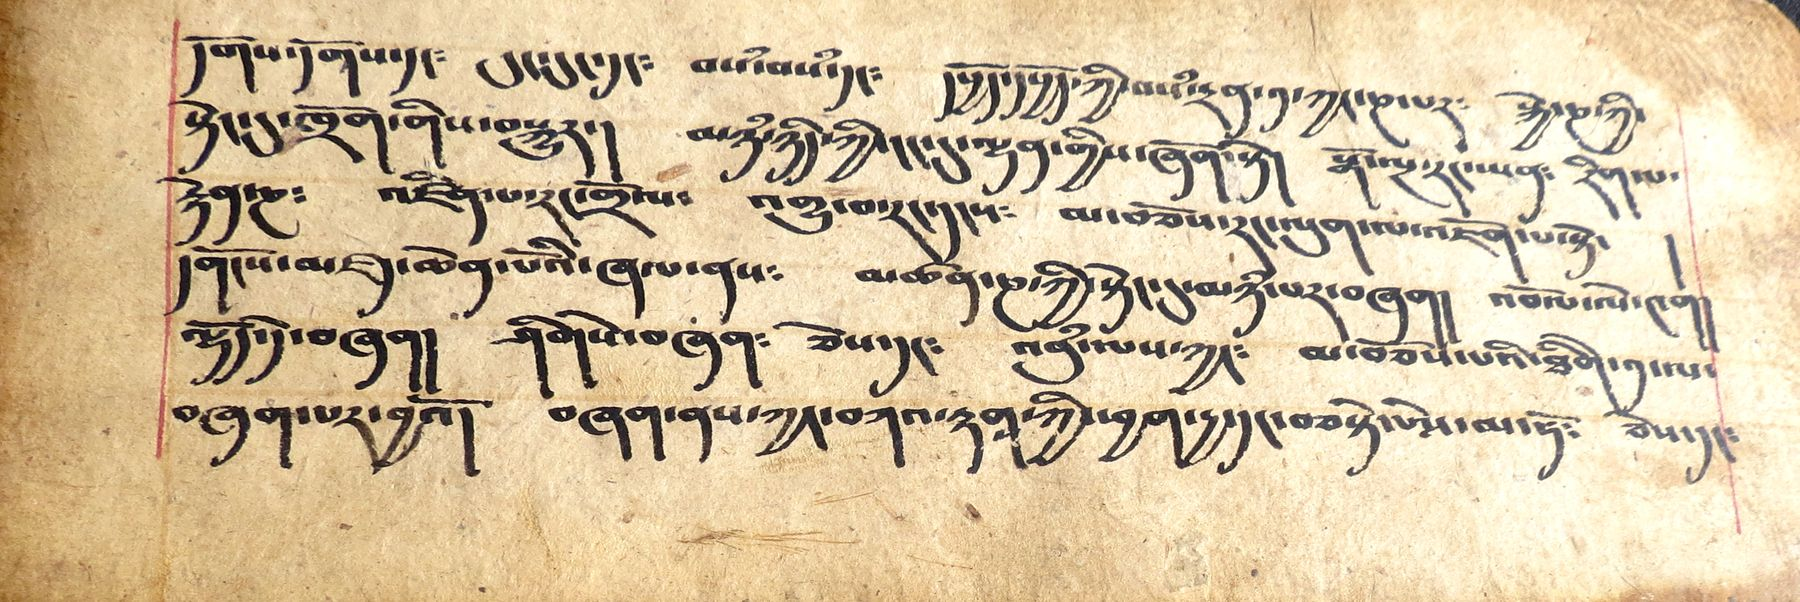དོག་དོག་དང་། དུང་དུང་དང་། བསམ་བསམ་དང་། སྤྱོད་སྤྱོད་ཀྱི་བསམ་དྲན་གཅིག་ཀྱང་མེད་པར་སྐྱེ་མེད་ཀྱི་
སྟེང་དུ་ཁྲོལ་གྱིས་བསྐྱུར། མཉམ་ཉིད་ཀྱི་ངང་དུ་ལྷན་གྱིས་བཞག་སྟེ། སྒོ་ལྔ་རང་ཡན། རིག་པ་
རྟེན་མེད། འཛིན་པ་རང་གྲོལ། འགྱུ་བ་རང་སངས། མ་བཅོས་རང་ལུགས་སུ་འཇོག་པ་སྟེ ། 
དགོངས་མཛད་ཆེན་པོའི་ཞལ་ནས། མཚན་མེད་ཀྱི་སྟེང་དུ་མཉམ་པར་བཞག འབོལ་ལེ་བཞག 
ལྷོད་དེ་བཞག ཤིགས་སེ་བཞག་ཅེས་དང་། འབུམ་ལས་ཀྱང་། མ་བཅོས་པའི་ཐིག་ལེ་གཅིག་ལ་བཞག་པར་བྱའོ། ། 
བཞག་ནས་ཀྱང་བཀའ་རྟགས་ཀྱི་ཕྱག་རྒྱ་དང་བཅས་ཏེ་ཨེ་མ་ཧོ། ། ཞེས་དང་།